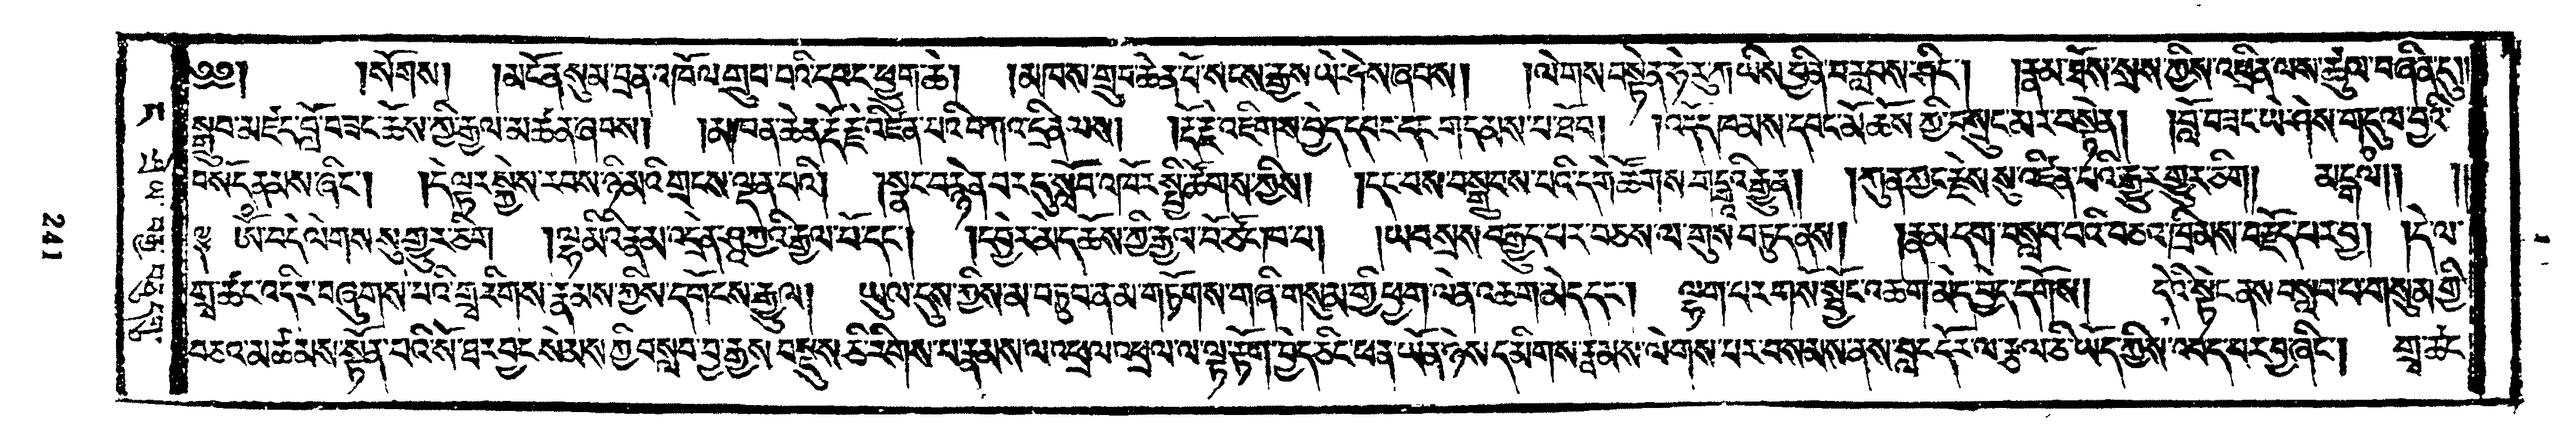༄༅། །སོགས། །མངོན་སུམ་བྲན་འཁོལ་གྲུབ་བའི་དབང་ཕྱུག་ཆེ། །མཁས་གྲུབ་ཆེན་པོ་སངས་རྒྱས་ཡེ་ཤེས་ཞབས། །ལེགས་བསྟེན་ཧེ་རུ་ཀ་ཡིས་བྱིན་བརླབས་ཤིང་། །རྣམ་ཐོས་སྲས་ཀྱིས་འཕྲིན་ལས་ཚུལ་བཞིན་དུ། །
སྒྲུབ་མཛད་བློ་བཟང་ཆོས་ཀྱི་རྒྱལ་མཚན་ཞབས། །མཁན་ཆེན་རྡོ་རྗེ་འཛིན་པའི་བཀའ་དྲིན་ལས། །རྡོ་རྗེ་འཇིགས་བྱེད་དབང་དང་གདམས་པ་ཐོབ། །འདོད་ཁམས་དབང་མོ་ཆོས་ཀྱི་བསྲུང་མར་བསྟེན། །བློ་བཟང་ཡེ་ཤེས་གདུལ་བྱའི་
བསོད་ནམས་ཞིང་། །དེ་ལྟར་སྐྱེས་རབས་ཉི་མའི་གྲངས་ལྡན་པའི། །སྣང་བརྙེན་བར་དུ་སློབ་འཁོར་སྤྱི་ཚོགས་ཀྱིས། །དང་བས་བསྒྲུབས་པའི་དགེ་ཚོགས་གངྒཱའི་རྒྱུན། །ཀུན་ཀྱང་རྗེས་སུ་འཛིན་པའི་རྒྱུར་གྱུར་ཅིག། མངྒལཾ།། །།
༈ ཨོཾ་བདེ་ལེགས་སུ་གྱུར་ཅིག །ལྷ་མིའི་རྣམ་འདྲེན་ཤཱཀྱའི་རྒྱལ་པོ་དང་། །དབྱེར་མེད་ཆོས་ཀྱི་རྒྱལ་པོ་ཙོང་ཁ་པ། །ཡབ་སྲས་བརྒྱུད་པར་བཅས་ལ་གུས་བཏུད་ནས། །རྣམ་དག་བསླབ་བའི་བཅའ་ཁྲིམས་བརྗོད་པར་བྱ། །དེ་ལ་
གྲྭ་ཚང་འདིར་བཞུགས་པའི་གྲྭ་རིགས་རྣམས་ཀྱིས་དགོངས་རྒྱུ་ལ། ཡུལ་དུས་ཀྱིས་མ་བཏུབ་ན་མ་གཏོགས་གཞི་གསུམ་གྱི་ཕྱག་ལེན་འཆག་མེད་དང་། ལྷག་པར་གསོ་སྦྱོང་འཆག་མེད་བྱེད་དགོས། །དེའི་སྟེང་ནས་བསླབ་པ་གསུམ་གྱི་
བཅའ་མཚམས་སྟོན་པའི་སོ་ཐར་བྱང་སེམས་ཀྱི་བསླབ་བྱ་རྒྱས་བསྡུས་ཅི་རིགས་པ་རྣམས་ལ་འཕྲལ་འཕྲལ་ལ་ལྟ་རྟོག་བྱེད་ཅིང་ཕན་ཡོན་ཉེས་དམིགས་རྣམས་ལེགས་པར་བསམས་ནས་བླང་དོར་ལ་རྩལ་ཅི་ཡོད་ཀྱིས་འབད་པར་བྱ་ཞིང་། གྲྭ་ཚང་